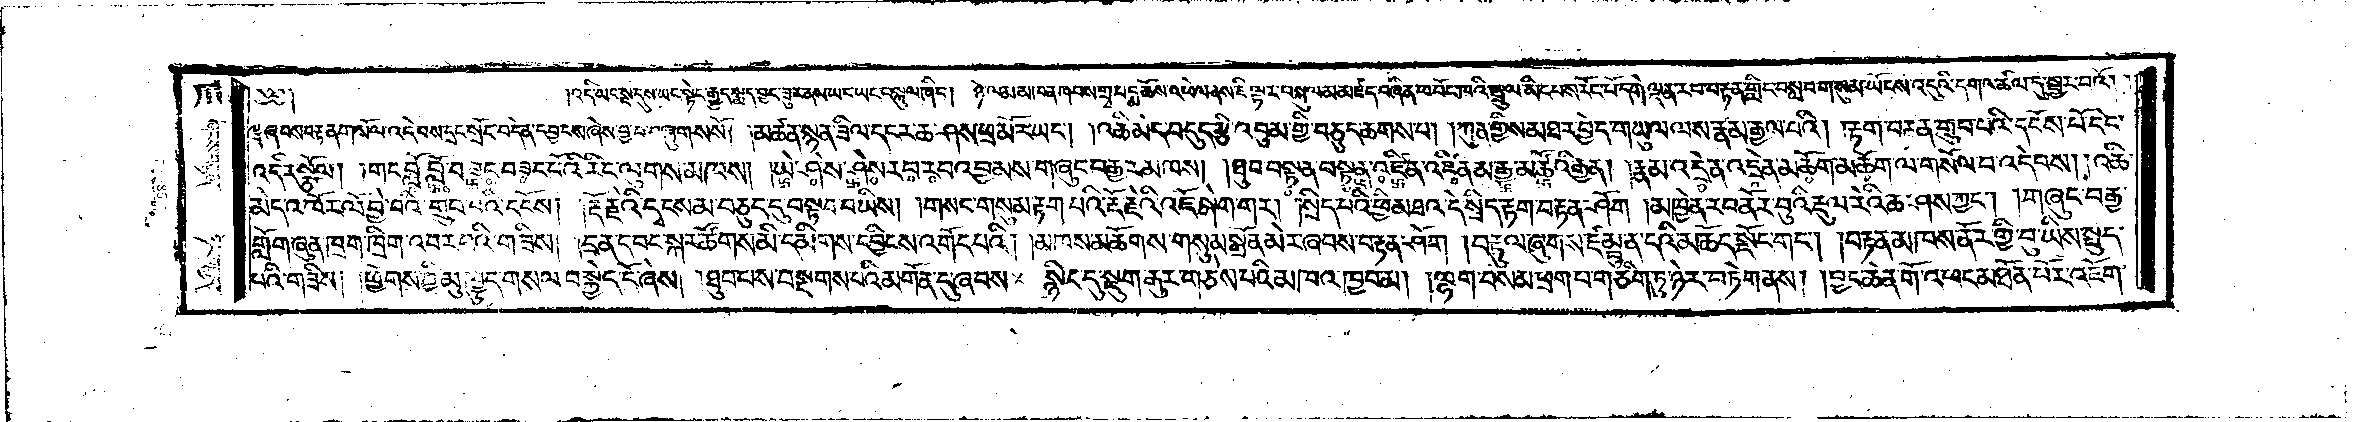༄༅། །འདི་ཡང་སྔ་དུས་ཕང་སྟེང་རྒྱུད་སྨད་བྱང་ཟུར་ནས་ཡང་ཡང་བསྐུལ་ཞིང་། ཉེ་ལམ་མཁན་ཞབས་གྲྭ་པདམ་ཆོས་འཕེལ་ནས་ཇི་ལྟར་བསྐུལ་མ་མཛད་བཞིན་ལ་བོང་ཁའི་སྤྲུལ་མིང་བས་རོང་པོ་དགེ་ལྡན་རབ་བརྟན་གླིང་བསླབ་གསུམ་ཡོངས་འདུའི་དགའ་ཚལ་དུ་སྦྱར་བའ།།
༈ ཞབས་བརྟན་གསོལ་འདེབས་དྲང་སྲོང་བདེན་དབྱངས་ཞེས་བྱ་བ་བཞུགས་སོ། །མཚན་སྙན་ཟིལ་དངར་ཆ་ཤས་ཕྲ་མོར་ཡང་། །འཆི་མེད་བདུད་རྩི་འབུམ་གྱི་བཅུད་ཆགས་པ། །ཀུན་གྱིས་མཐར་བྱེད་གཡུལ་ལས་རྣམ་རྒྱལ་བའི། །རྟག་བརྟན་གྲུབ་པའི་དངོས་པོ་དེང་
འདིར་སྩོལ། །གང་བློ་བློ་བཟང་བཟང་པོའི་རིང་ལུགས་མཁས། །ཡེ་ཤེས་ཤེས་རབ་རབ་འབྱམས་གཞུང་བརྒྱར་མཁས། །ཐུབ་བསྟན་བསྟན་འཛིན་འཛིན་མ་རྒྱ་མཚོའི་རྒྱན། །རྣམ་འདྲེན་འདྲེན་མཆོག་མཆོག་ལ་གསོལ་བ་འདེབས། །འཆི་
མེད་འཁོར་ལོ་བྱེ་བའི་གྲུབ་པའི་དངོས། །རྡོ་རྗེའི་དྭངས་མ་བཅུད་དུ་བསྟབ་པ་ཡིས། །གསང་གསུམ་རྟག་པའི་རྡོ་རྗེའི་འཇོ་སྒེག་གར། །སྲིད་པའི་ཕྱི་མཐའ་དེ་སྲིད་རྟག་བརྟན་ཤོག །མཁྱེན་རབ་ནོར་བུའི་རྡུལ་རེའི་ཆ་ཤས་ཀྱང་། །གཞུང་བརྒྱ་
གློག་ཞུན་ཁྲག་ཁྲིག་འབར་བའི་གཟིས། །དྲན་དབང་སྐར་ཚོགས་མི་དམིགས་དབྱིངས་འགོད་པའི། །མཁས་མཆོགས་གསུམ་སྒྲོན་མེར་ཞབས་བརྟན་ཤོག །བརྟུལ་ཞུགས་ཛམྦུན་དའི་མཆོད་སྡོང་གང་། །བརྟན་མཁས་ནོར་གྱི་བུ་ཡིས་སྐུད་
པའི་གཟིས། །ཕྱོགས་ཀྱི་མུ་ཁྱུད་གསལ་བསྐྱེད་དོ་ཞེས། །ཐུབ་པས་བསྔགས་པའི་མགོན་དུ་ཞབས་྾་སྙིང་དུ་སྦུག་རྒུར་གཅེས་པའི་མཁའ་ཁྱབ་མ། །ལྷག་བསམ་ཕྲག་པ་གཅིག་ཏུ་ཉེར་བཏེག་ནས། །བྱང་ཆེན་གོ་འཕང་མཐོན་པོར་འཇོག་